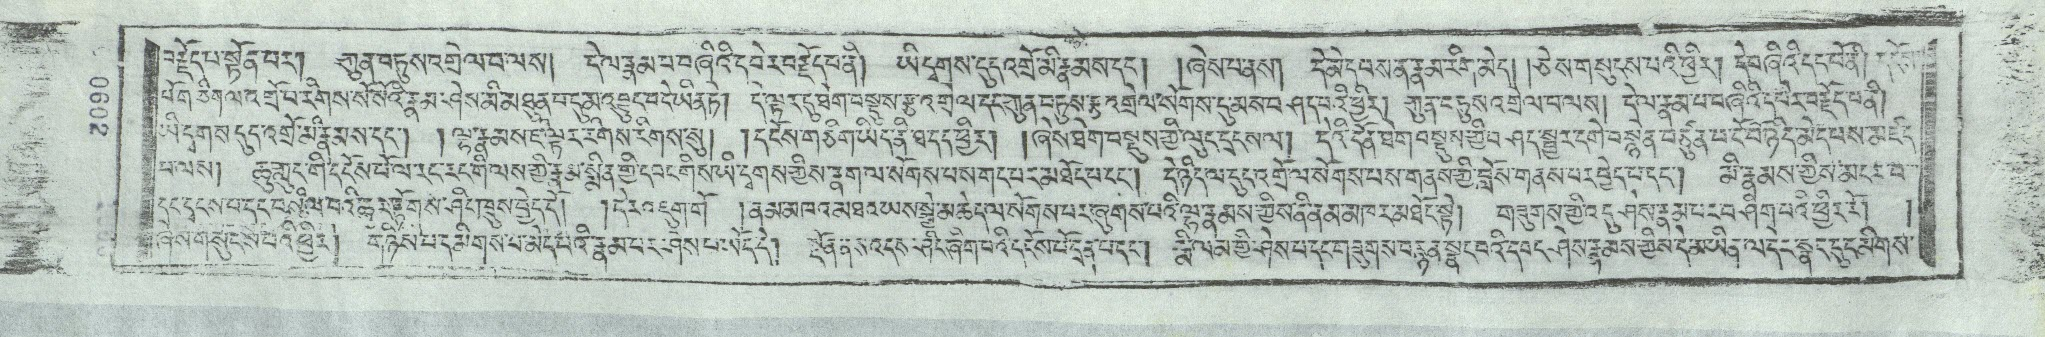བརྗོད་བསྟོན་པར། ཀུན་བཏུས་འགྲེལ་བ་ལས། དེ་ལ་རྣམ་པ་བཞིའི་དཔེར་བརྗོད་པ་ནི། ཡི་དྭགས་དུད་འགྲོ་མི་རྣམས་དང་། །ཞེས་པ་ནས། དེ་མེད་པས་ན་རྣམ་རིག་མེད། །ཅེས་གསུངས་པའི་ཕྱིར། དེ་བཞིའི་དང་པོ་ནི། དངོས་
པོ་གཅིག་ལ་འགྲོ་བ་རིགས་སོ་སོའི་རྣམ་ཤེས་མི་མཐུན་པ་དུ་མ་འབྱུང་བ་དེ་ཡིན་ཏེ། དེ་ལྟར་དུ་ཐེག་བསྡུས་རྩ་འགྲེལ་དང་ཀུན་བཏུས་རྩ་འགྲེལ་སོགས་དུ་མས་བཤད་པའི་ཕྱིར། ཀུན་བཏུས་འགྲེལ་པ་ལས། དེ་ལ་རྣམ་པ་བཞིའི་དཔེར་བརྗོད་པ་ནི།
ཡི་དྭགས་མདུད་འགྲོ་མི་རྣམས་དང་། །ལྷ་རྣམས་ཇི་ལྟར་རིགས་རིགས་སུ། །དངོས་གཅིག་ཡིད་ནི་ཐ་དད་ཕྱིར། །ཞེས་ཐེག་བསྡུས་ཀྱི་ལུད་དྲངས་ལ། དེའི་དོན་ཐེག་བསྡུས་ཀྱི་བཤད་སྦྱར་དགེ་བསྙེན་བཙུན་པ་ངོ་བོ་ཉིད་མེད་པས་མཛད་
པ་ལས། ཆུ་རླུང་གི་དངོས་པོ་ལ་རང་རང་གི་ལས་གྱི་རྣམ་སྨིན་གྱི་དབང་གིས་ཡི་དྭགས་ཀྱིས་རྣག་ལ་སོགས་པས་གང་པར་མཐོང་པ་དང་། དེ་ཉིད་ལ་དུད་འགྲོ་ལ་སོགས་པས་གནས་ཀྱི་བློས་གནས་པར་བྱེད་པ་དང་། མི་རྣམས་ཀྱིས་མངར་བ་
དད་དྭངས་པ་དང་བསིལ་བའི་ཆར་རྟོགས་ཤིང་ཁྲུས་བྱེད་དེ། །དེར་འཇུག་གོ། །ནམ་མཁའ་མཐའ་ཡས་སྐྱེ་མཆེད་ལ་སོགས་པར་ཞུགས་པའི་ལྷ་རྣམས་ཀྱིས་ནི་ནམ་མཁའ་མཐོང་སྟེ། གཟུགས་ཀྱི་འདུ་ཤེས་རྣམ་བར་བཤིག་པའི་ཕྱིར་རོ། །
ཤེས་གསུངས་པའི་ཕྱིར། གཉིས་པ་དམིགས་པ་མེད་པའི་རྣམ་པར་ཤེས་པ་ཡོད་དེ། སྔོན་ནས་འདས་ཤིང་ཞིག་པའི་དངོས་པོ་དྲན་པ་དང་། རྨི་ལམ་གྱི་ཤེས་པ་དང་གཟུགས་བརྙན་སྣང་པའི་དབང་ཤེས་རྣམས་ཀྱིས་དེ་མ་ཡིན་ལ་དེང་སྣང་དུ་དམིགས་